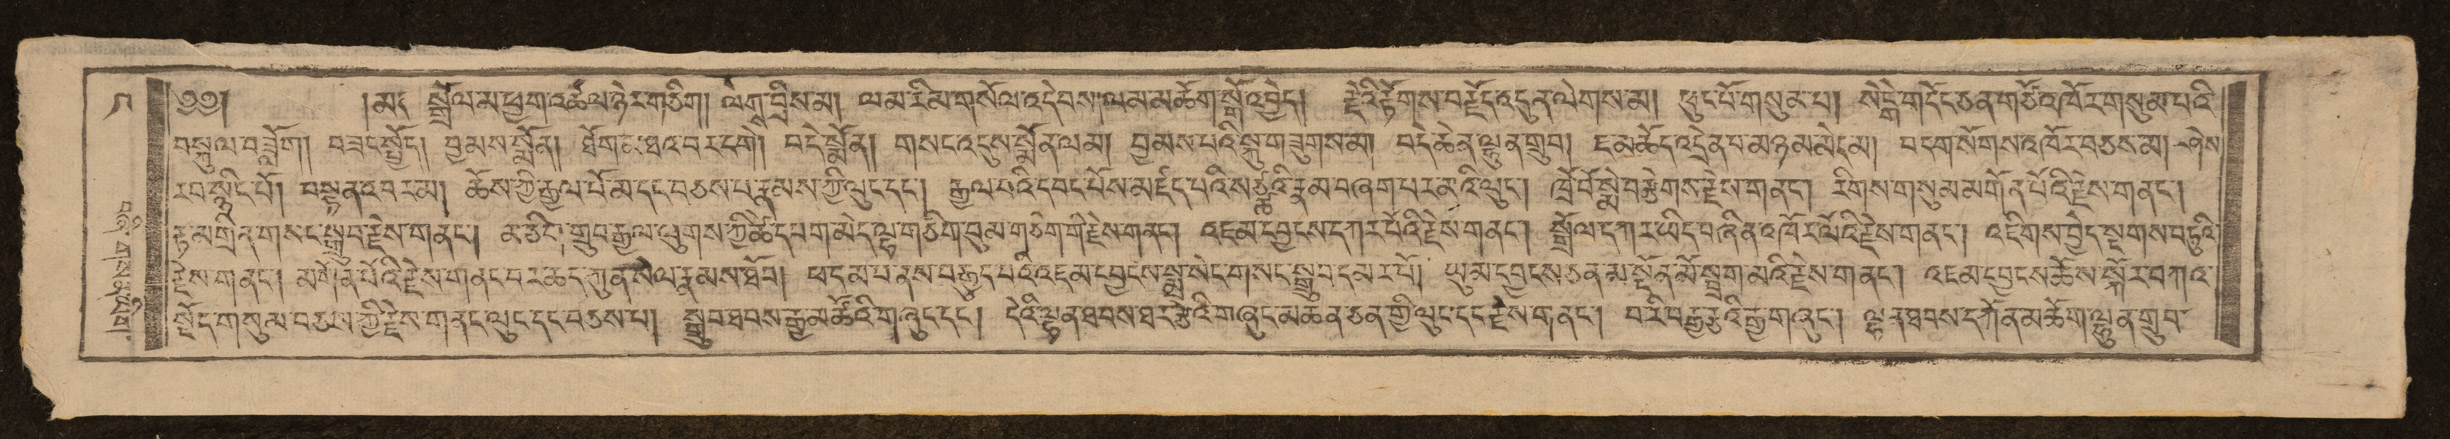༄༅། །མ༑ སྒྲོལ་མ་ཕྱག་འཚལ་ཉེར་གཅིག། ལེགས་བྲིས་མ། ལམ་རིམ་གསོལ་འདེབས་ལམ་མཆོག་སྒོ་འབྱེད། རྗེའི་རྟོགས་བརྗོད་འདུན་ལེགས་མ། ཕུང་པོ་གསུམ་པ། སེངྒེ་གདོང་ཅན་གཙོ་འཁོར་གསུམ་པའི་
བསྐུལ་བཟློག། བཟང་སྤྱོད། བྱམས་སྨོན། ཐོག་མཐའ་བར་དགེ། བདེ་སྨོན། གསང་འདུས་སྨོན་ལམ། བྱམས་པའི་སྐུ་གཟུགས་མ། བདེ་ཆེན་ལྷུན་གྲུབ། ང་མཆོད་འདྲེན་པ་མཉམ་མེད་མ། བདག་སོགས་འཁོར་བཅས་མ། ཤེས་
རབ་སྙིང་པོ། བསྟན་འབར་མ། ཆོས་ཀྱི་རྒྱལ་པོ་མདང་བཅས་པ་རྣམས་ཀྱི་ལུང་དང་། རྒྱལ་བའི་དབང་པོས་མཛད་པའི་ས་ཙྪའི་རྣམ་བཞག་པར་མའི་ལུང་། ཁྲོ་བོ་སྨེ་བརྩེགས་རྗེས་གནང་། རིགས་གསུམ་མགོན་པོའི་རྗེས་གནང་།
རྟ་མགྲིན་གསང་སྒྲུབ་རྗེས་གནང་། མ་ཅིག་གྲུབ་རྒྱལ་ལུགས་ཀྱི་ཚེ་དཔག་མེད་ལྷ་གཅིག་བུམ་གཅིག་གི་རྗེས་གནང་། འཇམ་དབྱངས་དཀར་པོའི་རྗེས་གནང་། སྒོལ་དཀར་ཡིད་བཞིན་འཁོར་ལོའི་རྗེས་གནང་། འཇིགས་བྱེད་སྔགས་བཏུའི་
རྗེས་གནང་། མགོན་པོའི་རྗེས་གནང་པར་ཆད་ཀུན་སེལ་རྣམས་ཐོབ། ཕ་དམ་པ་ནས་བརྒྱད་པའི་འཇམ་དབྱངས་སྨྲ་སེང་གསང་སྒྲུབ་དམར་པོ། ཡུམ་དབྱངས་ཅན་མ་སྔོན་མོ་སྦྲག་མའི་རྗེས་གནང་། འཇམ་དབྱངས་ཆོས་སྐོར་བཀའ་
སྡོད་གསུམ་བཅས་ཀྱི་རྗེས་གནང་ལུང་དང་བཅས་པ། སྒྲུབ་ཐབས་རྒྱ་མཚོའི་གཞུང་དང་། དེའི་ལྷན་ཐབས་ཐར་རྩེའི་གཞུང་མཆན་ཅན་གྱི་ལུང་དང་རྗེས་གནང་། བ་རི་བརྒྱ་རྩའི་རྒྱ་གཞུང་། ལྷན་ཐབས་དཀོན་མཆོག་ལྷུན་གྲུབ་